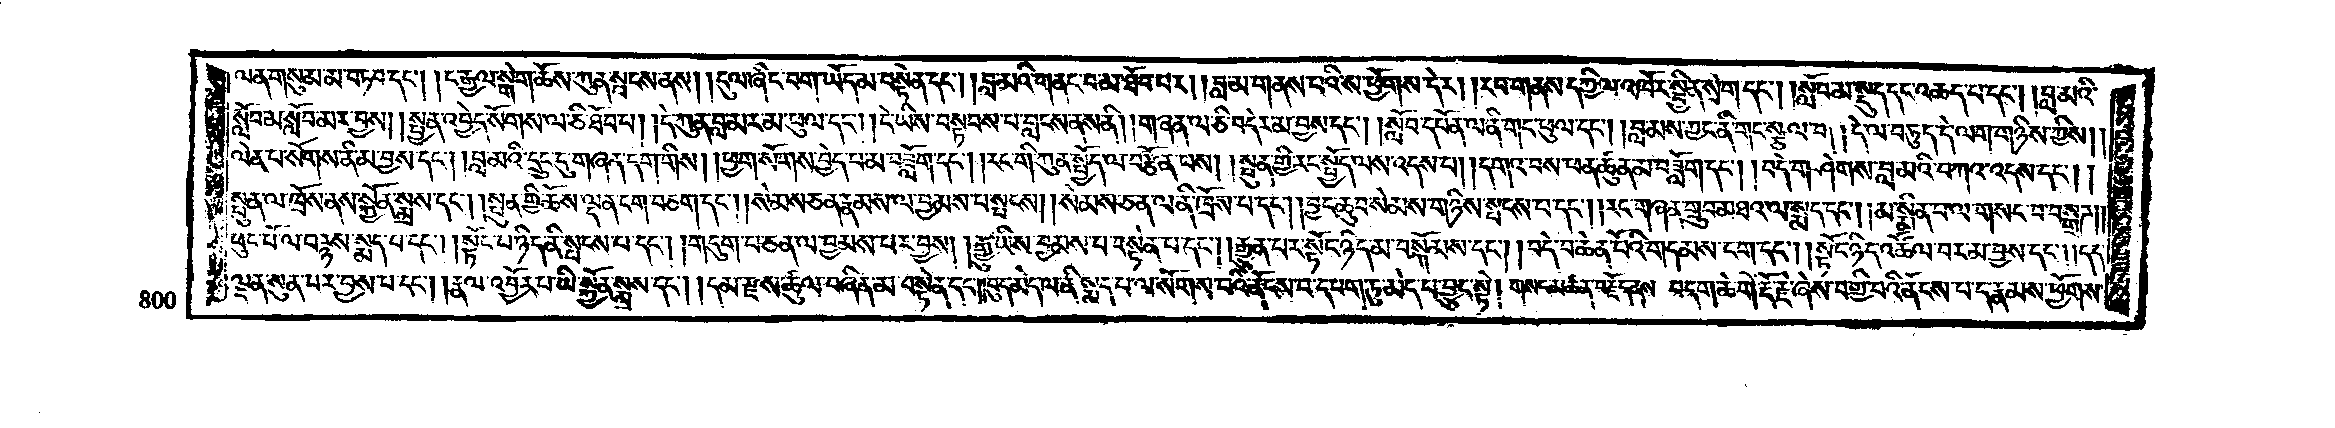ལན་གསུམ་མ་བཏབ་དང་། །ང་རྒྱལ་སྒེག་ཆོས་ཀུན་སྤངས་ནས། །དུལ་ཞིང་བག་ཡོད་མ་བསྟེན་དང་། །བླ་མའི་གནང་བ་མ་ཐོབ་པར། །བླ་མ་གནས་པའི་ས་ཕྱོགས་དེར། །རབ་གནས་དཀྱིལ་འཁོར་སྦྱིན་སྲེག་དང་། །སློབ་མ་སྡུད་དང་འཆད་པ་དང་། །བླ་མའི་
སློབ་མ་སློབ་མར་བྱས། །སྤྱན་འབྱེད་སོགས་ལ་ཅི་ཐོབ་པ། །དེ་ཀུན་བླ་མར་མ་ཕུལ་དང་། །དེ་ཡིས་བསྟབས་པ་བླངས་ནས་ནི། །གཞན་ལ་ཅི་བདེར་མ་བྱས་དང་། །སློབ་དཔོན་ལ་ནི་གང་ཕུལ་དང་། །བླ་མས་ཀྱང་ནི་གང་སྩལ་བ། །དེ་ལ་བཏུད་དེ་ལག་གཉིས་ཀྱིས། །
ལེན་པ་སོགས་ནི་མ་བྱས་དང་། །བླ་མའི་དྲུང་དུ་གཞན་དག་གིས། །ཕྱག་སོགས་བྱེད་པ་མ་བཟློག་དང་། །རང་གི་ཀུན་སྤྱོད་ལ་བརྩོན་པས། །སྤུན་གྱི་རང་སྤྱོད་ལས་འདས་པ། །དགའ་བས་ཕན་ཚུན་མ་བཟློག་དང་། །བདེ་གཤེགས་བླ་མའི་བཀའ་འདས་དང་། །
སྤུན་ལ་ཁྲོས་ནས་སྐྱོན་སྨྲས་དང་། །སྤུན་གྱི་ཆོས་ལྡན་ངག་བཅག་དང་། །སེམས་ཅན་རྣམས་ལ་བྱམས་པ་སྤངས། །སེམས་ཅན་ལ་ནི་ཁྲོས་པ་དང་། །བྱང་ཆུབ་སེམས་གཉིས་སྤངས་པ་དང་། །རང་གཞན་གྲུབ་མཐའ་ལ་སྨད་དང་། །མ་སྨིན་པ་ལ་གསང་བ་བསྒྲགས། །
ཕུང་པོ་ལ་བརྙས་སྨད་པ་དང་། །སྟོང་པ་ཉིད་ནི་སྤངས་པ་དང་། །གདུག་པ་ཅན་ལ་བྱམས་པར་བྱས། །རྒྱུ་ཡིས་བྱམས་པ་བསྟེན་པ་དང་། །རྒྱུན་པར་སྟོང་ཉིད་མ་བསྒོམས་དང་། །བདེ་བ་ཆེན་པོའི་གདམས་ངག་དང་། །སྟོང་ཉིད་འཚོལ་བར་མ་བྱས་དང་། །དད་
ལྡན་སུན་པར་བྱས་པ་དང་། །རྣལ་འབྱོར་པ་ཡི་སྐྱོན་སྨྲས་དང་། །དམ་རྫས་ཚུལ་བཞིན་མ་བསྟེན་དང་། །བུད་མེད་ལ་ནི་སྨད་པ་ལ་སོགས་པའི་ནོངས་པ་དཔག་ཏུ་མེད་པ་བྱུང་སྟེ། གསང་མཚན་བརྗོད་ནས་བདག་ཆོ་ག་རྡོ་རྗེ་ཞེས་བགྱི་བའི་ནོངས་པ་ད་རྣམས་ཕྱོགས་